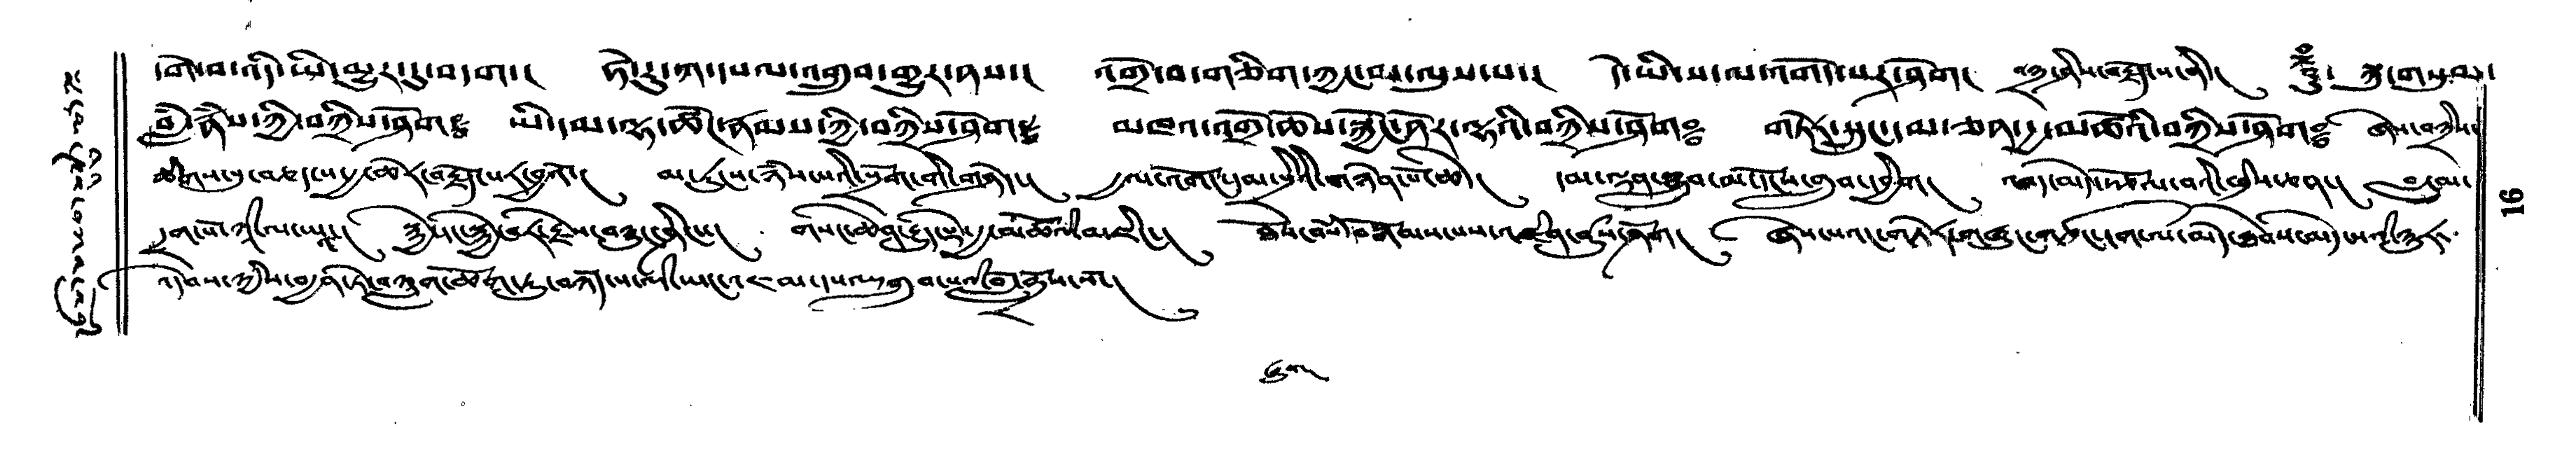དགེ་བ་འདི་ཡིས་མྱུར་དུ་བདག །ཧེ་རུ་ཀ་དཔལ་འགྲུབ་གྱུར་ནས། །འགྲོ་བ་གཅིག་ཀྱང་མ་ལུས་པ། །དེ་ཡི་ས་ལ་འགོད་པར་ཤོག བཀྲ་ཤིས་བརྗོད་པ་ནི། ཧཱུྃ༔ སྐུ་གསུམ་
བླ་མ་རྣམས་ཀྱི་བཀྲ་ཤིས་ཤོག༔ ཡི་དམ་ལྷ་ཚོགས་རྣམས་ཀྱི་བཀྲ་ཤིས་ཤོག༔ མཁའ་འགྲོཆོས་སྐྱོང་ནོར་ལྷའི་བཀྲ་ཤིས་ཤོག༔ གཏེར་སྲུང་དམ་ཅན་རྒྱ་མཚོའི་བཀྲ་ཤིས་ཤོག༔ ཞེས་བཀྲ་ཤིས་
ཚིགས་སུ་བཅད་པ་རྒྱ་ཆེར་བརྗོད་པར་བྱའོ།། མ་རུང་ཉམས་པའི་སྲོག་གི་གཤེད། །རྒྱལ་འགོང་དམ་སྲིའི་གཉེན་པོ་ཆེ། །དམ་ལྡན་སྒྲུབ་ལ་དངོས་གྲུབ་དབྱིག །འབད་མེད་སྩོལ་བའི་ཕྲིན་ལས་ཅན། །བླ་མ་
དྲག་པོ་ཀཱི་ལ་ཡས། །སྐྱེ་དང་སྐྱེ་བར་རྗེས་བཟུང་ཞིང་། །གསང་ཆེན་རྒྱུད་སྡེ་རྒྱ་མཚོའི་མཇིང་། ཐོས་བསམ་སྒོམ་པས་འཛིན་ནུས་ཤོག ཞེས་པའང་གཏེར་གཞུང་གཙང་དག་ལ་མེད་ཐབས་མེད་པའི་ཟུར་
འདེབས་ཀྱིས་བརྒྱན་ཏེ་བཀླག་ཆོག་ཏུ་བཀོད་པ་འདི་ཡང་འཇམ་དཔལ་གྲུབ་པའི་བློ་གྲོས་སོ།། །།